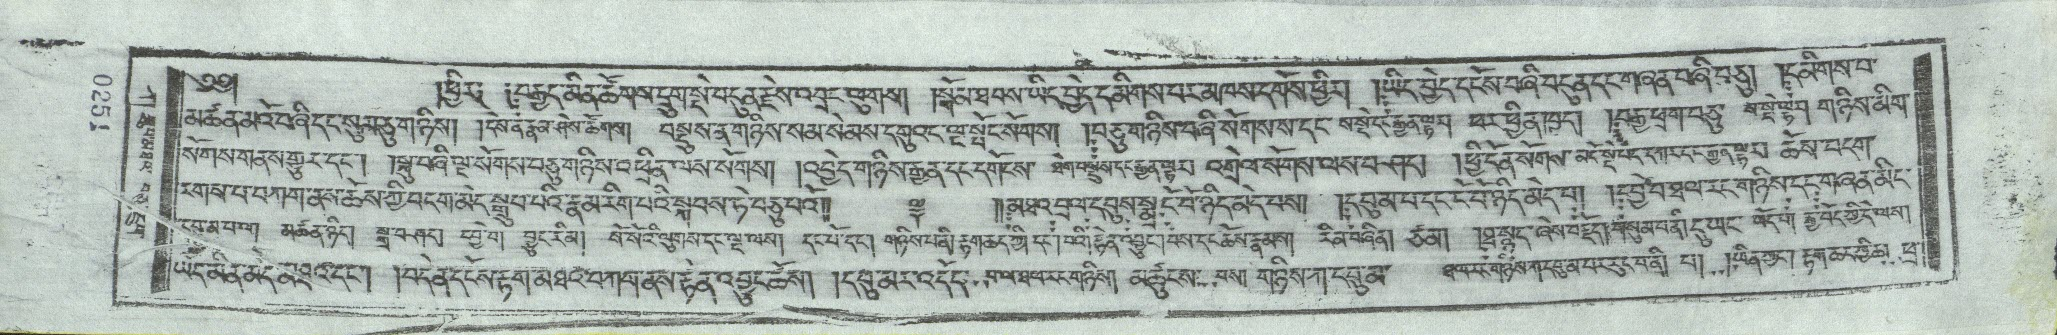༄༅། །ཕྱིར། །བརྒྱད་མིན་ཚོགས་དྲུག་སྡེ་བདུན་རྗེས་འབྲང་ལུགས། །སྒོམ་ཐབས་ཡིད་བྱེད་དམིགས་པར་མཁས་དགོས་ཕྱིར། །ཡིད་བྱེད་དངོས་བཞི་བདུན་དང་གཞན་བཞི་བཅུ། །དམིགས་པ་
མཚན་མའོ་བཞི་དང་སུམ་ཅུ་གཉིས། །དེས་ན་རྣམ་ཤེས་ཚོགས། བསྡུས་ན་གཉིས་སམ་སེམས་དགུའང་ལྔ་སྤོང་སོགས། །བཅུ་གཉིས་བཞི་སོགས་དང་ས་སྡེ་དང་རྒྱན་ལྟར། ཕར་ཕྱིན་ཁྱད། །བརྒྱ་ཕྲག་བཅུ་ས་སྡེ་ལྟར། གཉིས་མིག་
སོགས་གནས་གྱུར་དང་། །སྐུ་བཞི་ལྔ་སོགས་བཅུ་གཉིས་འཕྲིན་ལས་སོགས། །འབྱེད་གཉིས་རྒྱན་དང་དགོངས་ཐེག་བསྡུག་དང་རྒྱན་ལྟར། འགྲེལ་སོགས་ལས་བཤད། །ཕྱི་དོན་སོགས་མདོ་སྡེ་བད་དཀར་དང་རྒྱན་ལྟར། ཆོས་བདག་
རགས་པ་བཀག་ནས་ཆོས་ཀྱི་བདག་མེད་སྒྲུབ་པའི་རྣམ་རིག་པའི་སྐབས་ཏེ་བཅུ་པའོ།། ༈ །།མཐའ་བྲལ་དབུས་སྨྲ་ངོ་བོ་ཉིད་མེད་པས། །དབུ་མ་པ་དང་ངོ་བོ་ཉིད་མེད་པ། །དབྱེ་བ་ཐལ་རང་གཉིས་དད་གཞན་མིང་
དབུ་མ་བ་ལ། མཚན་ཉིད། སྒྲ་བཤད་།དབྱེ་བ། བྱུང་རིམ། སོ་སོ་རི་ལུགས་དང་ལྔ་ལས། །དང་པོ་དང་། གཉིས་པ་ནི། རྟག་ཆད་ཀྱི། དང་བའི། །རྟེན་འབྱུང་། བས་ངང་ཆོས་རྣམས། རིམ་བཞིན། ཙམ་།ཐ་སྙད་ཞེས་བརྗོད། གསུམ་པ་ནི། དུ་ཡང་ཡོད་པ། རྒྱ་བོད་ཀྱི?་དེ་ལས།
ཡོད་མིན་མེད་མཐའ་དང་། །བདེན་དངོས་རྟག་མཐའ་བཀག་ནས་རྟེན་འབྱུང་ཆོས། །དབུ་མར་འདོད་ཕ་ལ་ཐལ་རང་གཉིས། མཚུངས་བས། གཉིས་ཀ་དབུ་མ་ཐབ?་རང་གཉིས་གང་བུམ་པར་རུང་པ་ནི། པ། །ཡིན་ཀྱང་། རྟག་ཆང་ཀྱི་ཆ། བྲ་